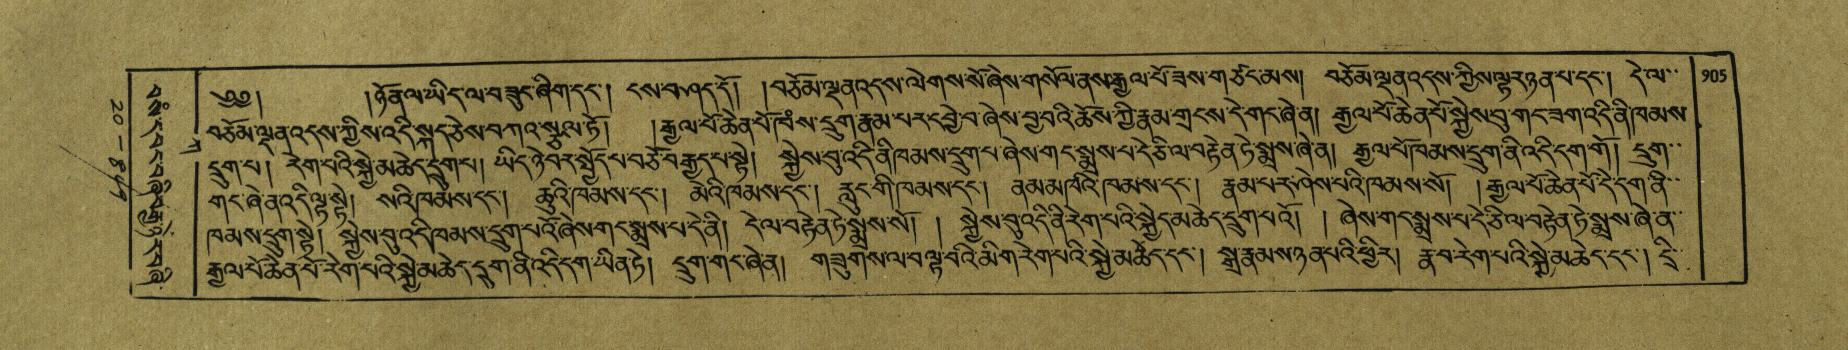༄༅། །ཉོན་ལ་ཡིད་ལ་བཟུང་ཞིག་དང་། ངས་བཤད་དོ། །བཅོམ་ལྡན་འདས་ལེགས་སོ་ཞེས་གསོལ་ནས་རྒྱལ་པོ་ཟས་གཙང་མས། བཅོམ་ལྡན་འདས་ཀྱིས་ལྟར་ཉན་པ་དང་། དེ་ལ་
བཅོམ་ལྡན་འདས་ཀྱིས་འདི་སྐད་ཅེས་བཀའ་སྩལ་ཏོ། །རྒྱལ་པོ་ཆེན་པོ་ཁཾས་དྲུག་རྣམ་པར་དབྱེ་བ་ཞེས་བྱ་བའི་ཆོས་ཀྱི་རྣམ་གྲངས་དེ་གང་ཞེ་ན། རྒྱལ་པོ་ཆེན་པོ་སྐྱེས་བུ་གང་ཟག་འདི་ནི་ཁམས་
དྲུག་པ། རེག་པའི་སྐྱེ་མཆེད་དྲུག་པ། ཡིད་ཉེ་བར་སྤྱོད་པ་བཅོ་བརྒྱད་པ་སྟེ། སྐྱེས་བུ་འདི་ནི་ཁམས་དྲུག་པ་ཞེས་གང་སྨྲས་པ་དེ་ཅི་ལ་བརྟེན་ཏེ་སྨྲས་ཞེ་ན། རྒྱལ་པོ་ཁམས་དྲུག་ནི་འདི་དག་གོ། དྲུག་
གང་ཞེ་ན་འདི་ལྟ་སྟེ། སའི་ཁམས་དང་། ཆུའི་ཁམས་དང་། མེའི་ཁམས་དང་། རླུང་གི་ཁམས་དང་། ནམ་མཁའི་ཁམས་དང་། རྣམ་པར་ཤེས་པའི་ཁམས་སོ། །རྒྱལ་པོ་ཆེན་པོ་དེ་དག་ནི་
ཁམས་དྲུག་སྟེ། སྐྱེས་བུ་འདི་ཁམས་དྲུག་པའོ་ཞེས་གང་སྨྲས་པ་དེ་ནི། དེ་ལ་བརྟེན་ཏེ་སྨྲས་སོ། །སྐྱེས་བུ་འདི་ནི་རེག་པའི་སྐྱེད་མཆེད་དྲུག་པའོ། །ཞེས་གང་སྨྲས་པ་དེ་ཅི་ལ་བརྟེན་ཏེ་སྨྲས་ཞེ་ན་
རྒྱལ་པོ་ཆེན་པོ་རེག་པའི་སྐྱེ་མཆེད་དྲུག་ནི་འདི་དག་ཡིན་ཏེ། དྲུག་གང་ཞེ་ན། གཟུགས་ལ་བལྟ་བའི་མིག་རེག་པའི་སྐྱེ་མཆེད་དང་། སྒྲ་རྣམས་ཉན་པའི་ཕྱིར། རྣ་བ་རེག་པའི་སྐྱེ་མཆེད་དང་། དྲི་